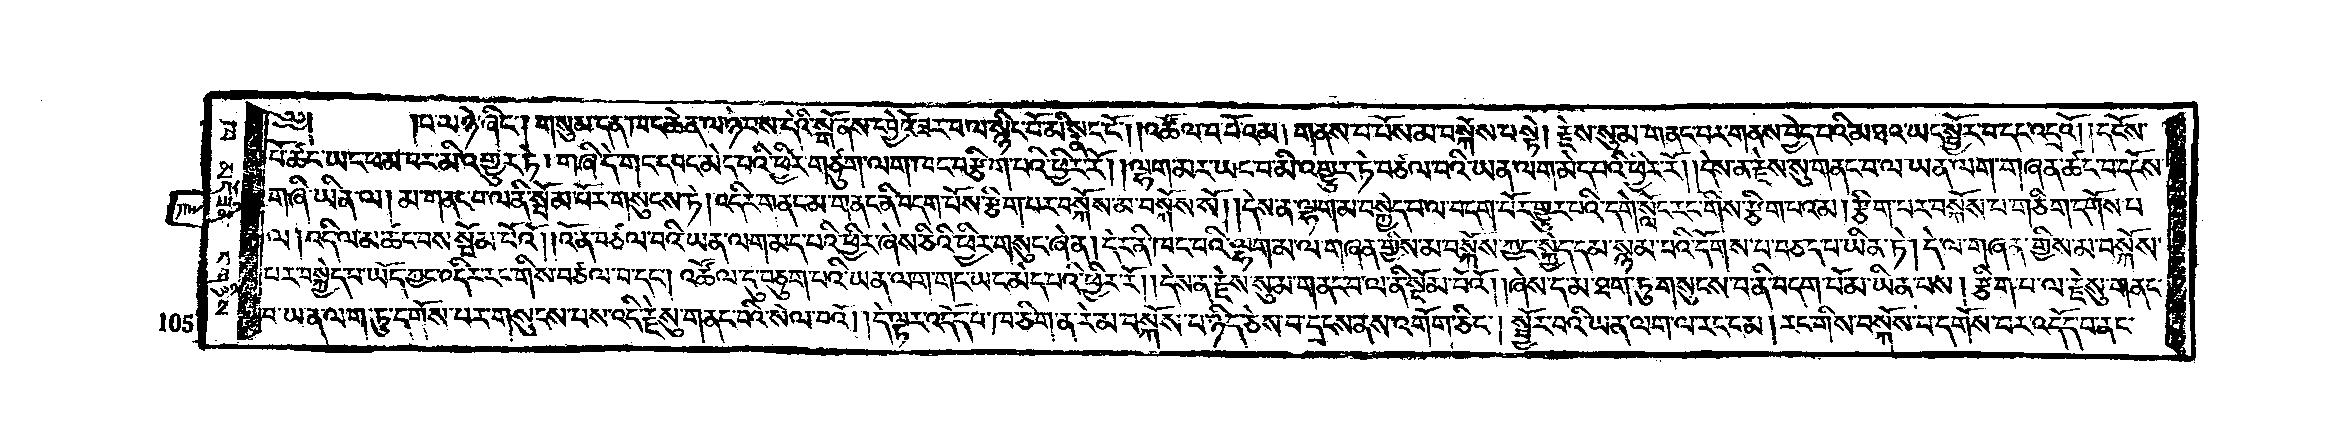༄༅། །པ་ལ་ཉེ་ཞིང་། གསུམ་དོན་ཁང་ཆེན་ལ་ཉེ་བས་དེའི་སྒོ་ནས་དབྱེའོ་ཟེར་བ་ལ་སྙིང་པོ་མི་སྣང་ངོ། །འཚོལ་བ་པོའམ། གནས་པ་པོས་མ་བསྐོས་པ་སྟེ། རྗེས་སུ་མ་གནང་བར་གནས་བྱེད་པའི་མཐའ་ཡང་སྦྱོར་བ་དང་འདྲའོ། །དངོས་
པོ་ཚང་ཡང་ཕམ་པར་མི་འགྱུར་ཏེ། གཞི་དེ་གང་དབང་མེད་པའི་ཕྱིར་གཙུག་ལག་ཁང་བརྩིག་པའི་ཕྱིར་རོ། །ལྷག་མར་ཡང་བ་མི་འགྱུར་ཏེ་བཙལ་བའི་ཡན་ལག་མེད་པའི་ཕྱིར་རོ། །དེས་ན་རྗེས་སུ་གནང་བ་ལ་ཡན་ལག་གཞན་ཚང་བ་དངོས་
གཞི་ཡིན་ལ། མ་གནང་བ་ལ་ནི་སྦོམ་པོར་གསུངས་ཏེ། འདིར་གནང་མ་གནང་ནི་བདག་པོས་རྩིག་པར་བསྐོས་མ་བསྐོས་སོ། །དེས་ན་ལྷག་མ་བསྐྱེད་པ་ལ་བདག་པོར་གྱུར་པའི་དགེ་སློང་རང་གིས་རྩིག་པའམ། རྩིག་པར་བསྐོས་པ་གཅིག་དགོས་པ་
ལ། འདི་ལ་མ་ཚང་བས་སྦོམ་པོའོ། །འོ་ན་བཙལ་བའི་ཡན་ལག་མད་པའི་ཕྱིར་ཞེས་ཅིའི་ཕྱིར་གསུང་ཞེ་ན། དེར་ནི་ཁང་པའི་ལྷག་མ་ལ་གཞན་གྱིས་མ་བསྐོས་ཀྱང་སྐྱེད་དམ་སྙམ་པའི་དོགས་པ་བཅད་པ་ཡིན་ཏེ། དེ་ལ་གཞན་གྱིས་མ་བསྐོས་
པར་བསྐྱེད་པ་ཡོད་ཀྱང་འདིར་རང་གིས་བཙལ་པ་དང་། འཚོལ་དུ་བཅུག་པའི་ཡན་ལག་གང་ཡང་མེད་པའི་ཕྱིར་རོ། །དེས་ན་རྗེས་སུ་མ་གནང་བ་ལ་ནི་སྡོམ་པོའོ། །ཞེས་ད་མ་ཐག་ཏུ་གསུངས་པ་ནི་བདག་པོ་མ་ཡིན་པས། རྩིག་པ་ལ་རྗེས་སུ་གནང་
བ་ཡན་ལག་ཏུ་དགོས་པར་གསུངས་པས་འདི་རྗེས་སུ་གནང་བའི་སེལ་བའོ། །དེ་ལྟར་འདོད་པ་ཁ་ཅིག་ན་རེ་མ་བསྐོས་པ་ཉིད་ཅེས་པ་དྲངས་ནས་འགོག་ཅིང་། སྦྱོར་བའི་ཡན་ལག་ལ་རང་དམ། རང་གིས་བསྐོས་པ་དགོས་པར་འདོད་པ་ནང་